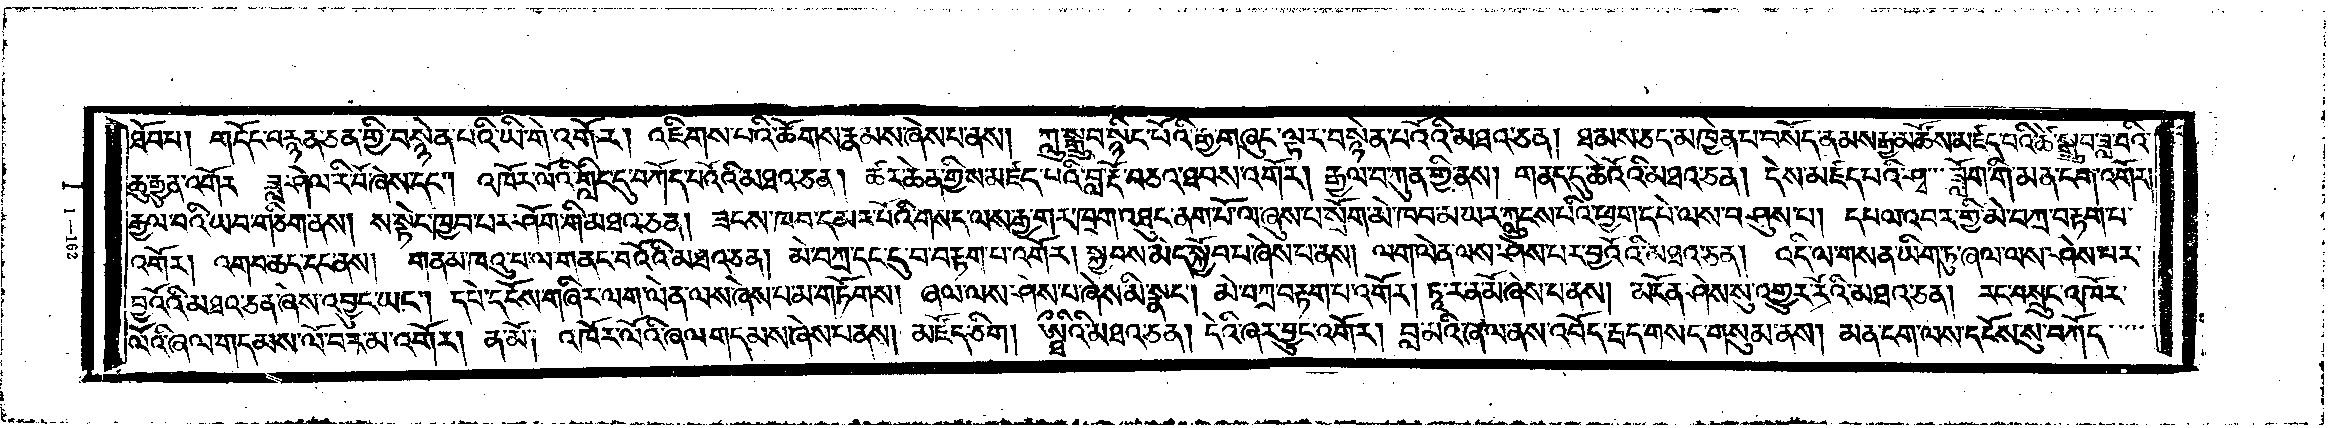ཐོབ་པ། གདོང་བརྙན་ཅན་གྱི་བསྙེན་པའི་ཡི་གེ་འགོར། འཇིགས་པའི་ཚོགས་རྣམས་ཞེས་པ་ནས། ཀླུ་སྒྲུབ་སྙིང་པོའི་རྒྱ་གཞུང་ལྟར་བསྙེན་པའོའི་མཐའ་ཅན། ཐམས་ཅད་མཁྱེན་པ་བསོད་ནམས་རྒྱ་མཚོས་མཛད་པའི་ཚེ་སྒྲུབ་ཟླ་བའི་
ཆུ་རྒྱུན་འགོར་ཟླ་ཤེལ་རི་བོ་ཞེས་དང་། འཁོར་ལོའི་གླིང་དུ་བཀོད་པའོའི་མཐའ་ཅན། ཚར་ཆེན་གྱིས་མཛད་པའི་བློ་རྡོ་བཅའ་ཐབས་འགོར། རྒྱལ་བ་ཀུན་གྱི་ནས། གནང་དུ་ཆེའོའི་མཐའ་ཅན། དེས་མཛད་པའི་ཤྭ་ཟློག་གི་མན་ངག་འགོར།
རྒྱལ་བའི་ཡབ་གཅིག་ནས། ས་སྟེང་ཁྱབ་པར་ཤོག་གི་མཐའ་ཅན། ཟངས་ཁབ་དམར་པོའི་གསད་ལས་རྒྱ་གར་ཁྲག་འཐུང་ནག་པོ་ལ་ཞུས་པ་སྲོག་མེ་ཁབ་མ་ཡར་ཀླུངས་པའི་ཕྱག་དཔེ་ལས་བཤུས་པ། དཔལ་འབར་གྱི་མེ་བཀྲ་བརྟག་པ་
འགོར། འགབ་ཆད་དང་ནས། གནམ་ཁའུ་པ་ལ་གནང་བའོའི་མཐའ་ཅན། མེ་བཀྲ་དང་དུ་བ་བརྟག་པ་འགོར། སྐྱབས་མེད་སྐྱོབ་པ་ཞེས་པ་ནས། ལག་ལེན་ལས་ཤེས་པར་བྱའོའི་མཐའ་ཅན། འདི་ལ་གསན་ཡིག་ཏུ་ཞལ་ལས་ཤེས་པར་
བྱའོའི་མཐའ་ཅན་ཞེས་འབྱུང་ཡང་། དཔེ་དངོས་གཞིར་ལག་ལེན་ལས་ཞེས་པ་མ་གཏོགས། ཞལ་ལས་ཤེས་པ་ཞེས་མི་སྣང་། མེ་བཀྲ་བརྟག་པ་འགོར། ཏཱ་ར་ན་མོ་ཞེས་པ་ནས། མངོན་ཤེས་སུ་འགྱུར་རོའི་མཐའ་ཅན། རང་བསྲུང་འཁོར་
ལོའི་ཞལ་གདམས་ལོ་བར་མ་འགོར། ན་མོ༑ འཁོར་ལོའི་ཞལ་གདམས་ཞེས་པ་ནས། མཛོད་ཅིག །ཨཐིའི་མཐའ་ཅན། དེའི་ཞར་བྱུང་འགོར། བླ་མའི་ཞལ་ནས་འབོད་རྦད་གསང་གསུམ་ནུས། མན་ངག་ལས་དངོས་སུ་བཀོད་